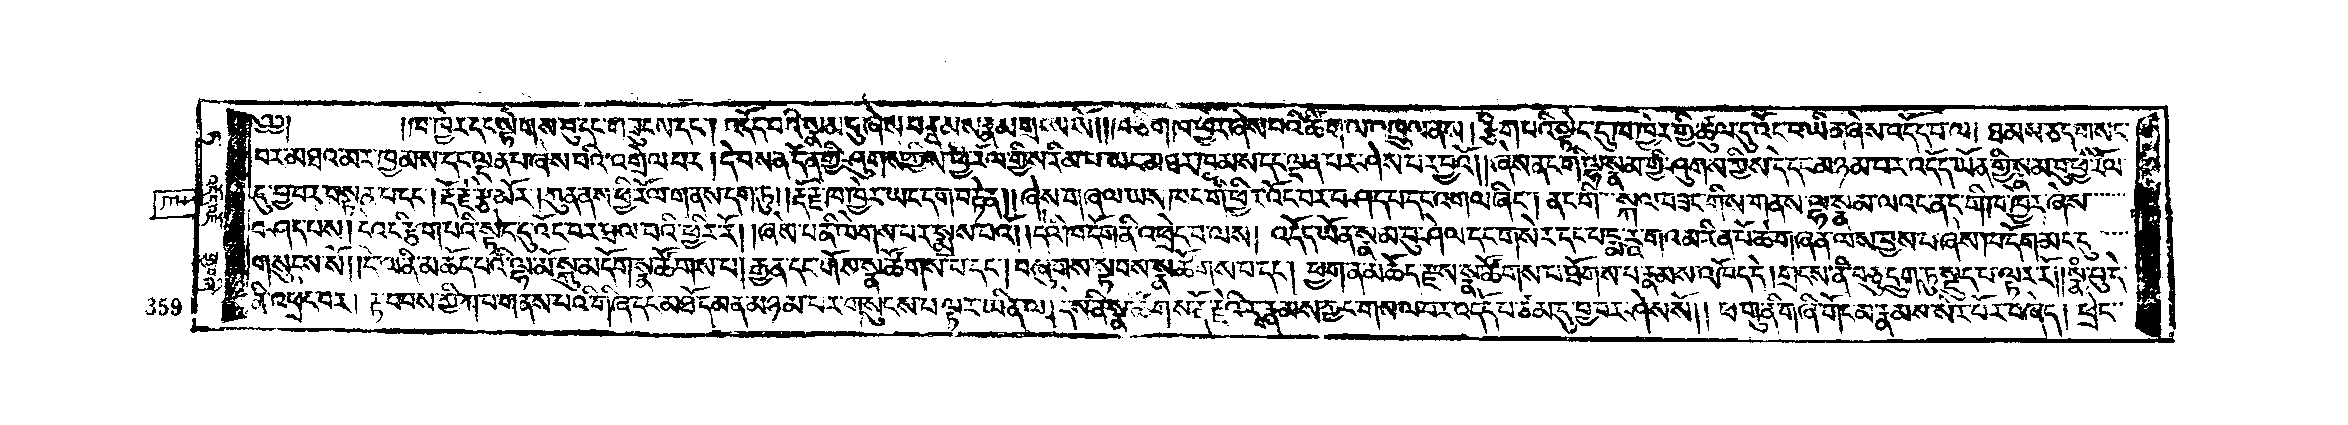༄༅། །ཁ་ཁྱེར་དང་སྟེགས་བུ་དང་གཟུངས་དང་། འདོད་པའི་སྣམ་བུ་ཞེས་པ་རྣམས་རྣམ་གྲངས་སོ། །ཁ་ཅིག་ཁ་ཁྱེར་ཞེས་པའི་ཚིག་ལ་འཁྲུལ་ནས། རྩིག་པའི་སྟེང་དུ་ཁ་ཁྱེར་གྱི་ཚུལ་དུ་འོང་བ་ཡིན་ཞེས་འདོད་པ་ལ། ཐམས་ཅད་གསང་
བར་མཐའ་མར་ཁྱམས་དང་ལྡན་པ་ཞེས་པའི་འགྲེལ་པར། དེ་བས་ན་དོན་གྱི་ཤུགས་ཀྱིས་ཕྱི་རོལ་གྱིས་རིམ་པ་ཡང་མཐར་ཁྱམས་དང་ལྡན་པར་ཤེས་པར་བྱའོ། །ཞེས་ནང་གི་ལྷ་སྣམ་གྱི་ཤུགས་ཀྱིས་དེ་དང་མཉམ་པར་འདོད་ཡོན་གྱི་སྣམ་བུ་ཕྱི་རོལ་
དུ་བྱ་བར་བསྟན་པ་དང་། རྡོ་རྗེ་རྩེ་མོར། ཀུན་ནས་ཕྱི་རོལ་གནས་དག་ཏུ། །རྡོ་རྗེ་ཁ་ཁྱེར་ཡང་དག་བརྟེན། །ཞེས་གཞལ་ཡས་ཁང་གི་ཕྱིར་འོང་བར་བཤད་པ་དང་འགལ་ཞིང་། ནང་གི་སྐལ་བཟང་གིས་གནས་ལྷ་སྣམ་ལའང་ནང་གི་ཁ་ཁྱེར་ཞེས་
བཤད་པས། དེའང་རྩིག་པའི་སྟེང་དུ་འོང་བར་ཐལ་བའི་ཕྱིར་རོ། །ཞེས་པ་ནི་ལེགས་པར་སྨྲས་པའོ། །དེའི་ཁ་དོག་ནི་འཕྲེང་བ་ལས། འདོད་ཡོན་སྣམ་བུ་ཤེལ་དང་གསེར་དང་པདམ་རཱ་གའམ་རིན་པོ་ཆེ་གཞན་ལས་བྱས་པ་ཞེས་ཁ་དོག་མང་དུ་
གསུངས་སོ། །དེ་ལ་ནི་མཆོད་པའི་ལྷ་མོ་སྐུ་མདོག་སྣ་ཚོགས་པ། རྒྱན་དང་གོས་སྣ་ཚོགས་པ་དང་། བཞུགས་སྟབས་སྣ་ཚོགས་པ་དང་། ཕྱག་ན་མཆོད་རྫས་སྣ་ཚོགས་པ་ཐོགས་པ་རྣམས་འཁོད་དེ། གྲངས་ནི་བཅུ་དྲུག་ཏུ་སྡུད་པ་ལྟར་རོ། །སྣམ་བུ་དེ་
ནི་འཕྲེང་བར། རྟ་བབས་ཀྱི་ཀ་བ་གནས་པའི་གཞི་དང་མཐོ་དམན་མཉམ་པར་གསུངས་པ་ལྟར་ཡིན་ལ། དེས་ནི་སྣ་ཚོགས་རྡོ་རྗེའི་རྭ་རྣམས་ཀྱང་གསལ་བར་འདོད་པ་ཙམ་དུ་བྱ་བར་ཤེས་སོ། །ཕ་གུ་ནི་གཞི་གོང་མ་རྣམས་སེར་པོར་བཞེད། ཕྲེང་